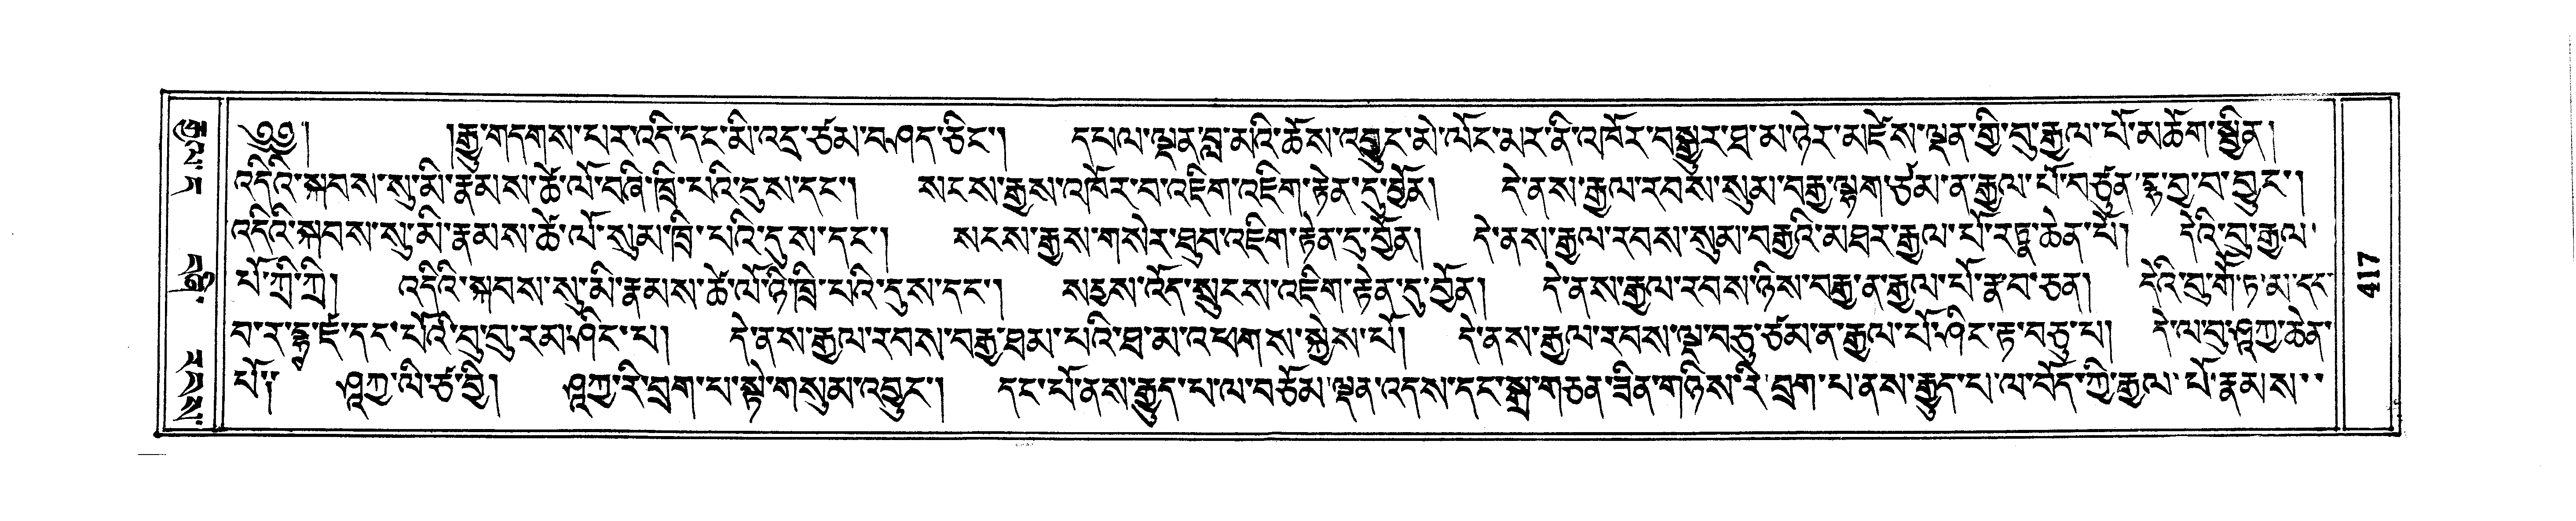༄༅། །རྒྱུ་གདགས་པར་འདི་དང་མི་འདྲ་ཙམ་བཤད་ཅིང་། དཔལ་ལྡན་བླ་མའི་ཆོས་འབྱུང་མེ་ལོང་མར་ནི་འཁོར་བསྒྱུར་ཐ་མ་ཉེར་མཛེས་ལྡན་གྱི་བུ་རྒྱལ་པོ་མཆོག་སྦྱིན།
འདིའི་སྐབས་སུ་མི་རྣམས་ཚེ་ལོ་བཞི་ཁྲི་པའི་དུས་དང་། སངས་རྒྱས་འཁོར་བ་འཇིག་རྟེན་དུ་བྱོན། དེ་ནས་རྒྱལ་རབས་སུམ་བརྒྱ་ལྷག་ཙམ་ན་རྒྱལ་པོ་བཙུན་དྷ་བྱ་བ་བྱུང་།
འདིའི་སྐབས་སུ་མི་རྣམས་ཚེ་ལོ་སུམ་ཁྲི་པའི་དུས་དང་། སངས་རྒྱས་གསེར་ཐུབ་འཇིག་རྟེན་དུ་བྱོན། དེ་ནས་རྒྱལ་རབས་སུམ་བརྒྱའི་མཐར་རྒྱལ་པོ་རཏྣ་ཆེན་པོ། དེའི་བུ་རྒྱལ་
པོ་ཀྲི་ཀྲི། འདིའི་སྐབས་སུ་མི་རྣམས་ཚེ་ལོ་ཉི་ཁྲི་པའི་དུས་དང་། སངྱས་འོད་སྲུངས་འཇིག་རྟེན་དུ་བྱོན། དེ་ནས་རྒྱལ་རབས་ཉིས་བརྒྱ་ན་རྒྱལ་པོ་རྣ་བ་ཅན། དེའི་བུ་གོ་ཏ་མ་དང་
བ་ར་དྷྭ་ཛ་དང་པོའི་བུ་བུ་རམ་ཤིང་པ། དེ་ནས་རྒྱལ་རབས་བརྒྱ་ཐམ་པའི་ཐ་མ་འཕགས་སྐྱེས་པོ། དེ་ནས་རྒྱལ་རབས་ལྔ་བཅུ་ཙམ་ན་རྒྱལ་པོ་ཤིང་རྟ་བཅུ་པ། དེ་ལ་བུ་ཤཱཀྱ་ཆེན་
པོ༑ ཤཱཀྱ་ལི་ཙ་བྱི། ཤཱཀྱ་རི་བྲག་པ་སྟེ་གསུམ་འབྱུང་། དང་པོ་ནས་རྒྱུད་པ་ལ་བཅོམ་ལྡན་འདས་དང་སྒྲ་གཅན་ཟིན་གཉིས་རི་བྲག་པ་ནས་རྒྱུད་པ་ལ་བོད་ཀྱི་རྒྱལ་པོ་རྣམས་